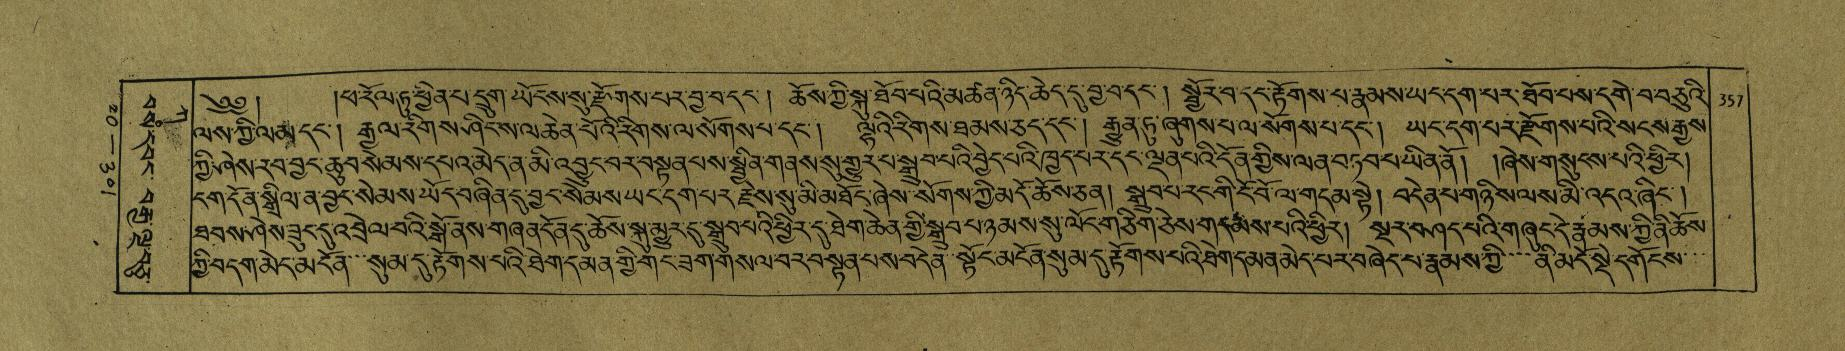༄༅། །ཕ་རོལ་ཏུ་ཕྱིན་པ་དྲུག་ཡོངས་སུ་རྫོགས་པར་བྱ་བ་དང་། ཆོས་ཀྱི་སྐུ་ཐོབ་པའི་མཚན་ཉིད་ཆེད་དུ་བྱ་བ་དང་། སྦྱོར་བ་དང་རྟོགས་པ་རྣམས་ཡང་དག་པར་ཐོབ་པས་དགེ་བ་བཅུའི་
ལས་ཀྱི་ལམ་དང་། རྒྱལ་རིགས་ཤིང་ས་ལ་ཆེན་པོའི་རིགས་ལ་སོགས་པ་དང་། ལྷའི་རིགས་ཐམས་ཅད་དང་། རྒྱུན་ཏུ་ཞུགས་པ་ལ་སོགས་པ་དང་། ཡང་དག་པར་རྫོགས་པའི་སངས་རྒྱས་
ཀྱི་ཤེས་རབ་བྱང་ཆུབ་སེམས་དཔའ་མེད་ན་མི་འབྱུང་བར་བསྟན་པས་སྦྱིན་གནས་སུ་གྱུར་པ་སྒྲུབ་པའི་བྱེད་པའི་ཁྱད་པར་དང་ལྡན་པའི་དོན་གྱིས་ལན་བཏབ་པ་ཡིན་ནོ། །ཞེས་གསུངས་པའི་ཕྱིར།
དག་དོན་སྒྲིལ་ན་བྱང་སེམས་ཡོད་བཞིན་དུ་བྱང་སེམས་ཡང་དག་པར་རྗེས་སུ་མི་མཐོང་ཞེས་སོགས་ཀྱི་མདོ་ཆོས་ཅན། སྒྲུབ་པ་རང་གི་ངོ་བོ་ལ་གདམ་སྟེ། བདེན་པ་གཉིས་ལས་མི་འདའ་ཞིང་།
ཐབས་ཤེས་ཟུང་དུ་འབྲེལ་བའི་སྒོ་ནས་གཞན་དོན་དུ་ཆོས་སྐུ་མྱུར་དུ་སྒྲུབ་པའི་ཕྱིར་དུ་ཐེག་ཆེན་གྱི་སྒྲུབ་པ་ཉམས་སུ་ལོང་གཅིག་ཅེས་གདམས་པའི་ཕྱིར། སྔར་བཤད་པའི་གཞུང་དེ་རྣམས་ཀྱི་ནི་ཆོས་
ཀྱི་བདག་མེད་མངོན་སུམ་དུ་རྟོགས་པའི་ཐེག་དམན་གྱི་གང་ཟག་གསལ་བར་བསྟན་པས་བདེན་སྟོང་མངོན་སུམ་དུ་རྟོགས་པའི་ཐེག་དམན་མེད་པར་བཞེད་པ་རྣམས་ཀྱི་ནི་མདོ་སྡེ་དགོངས་